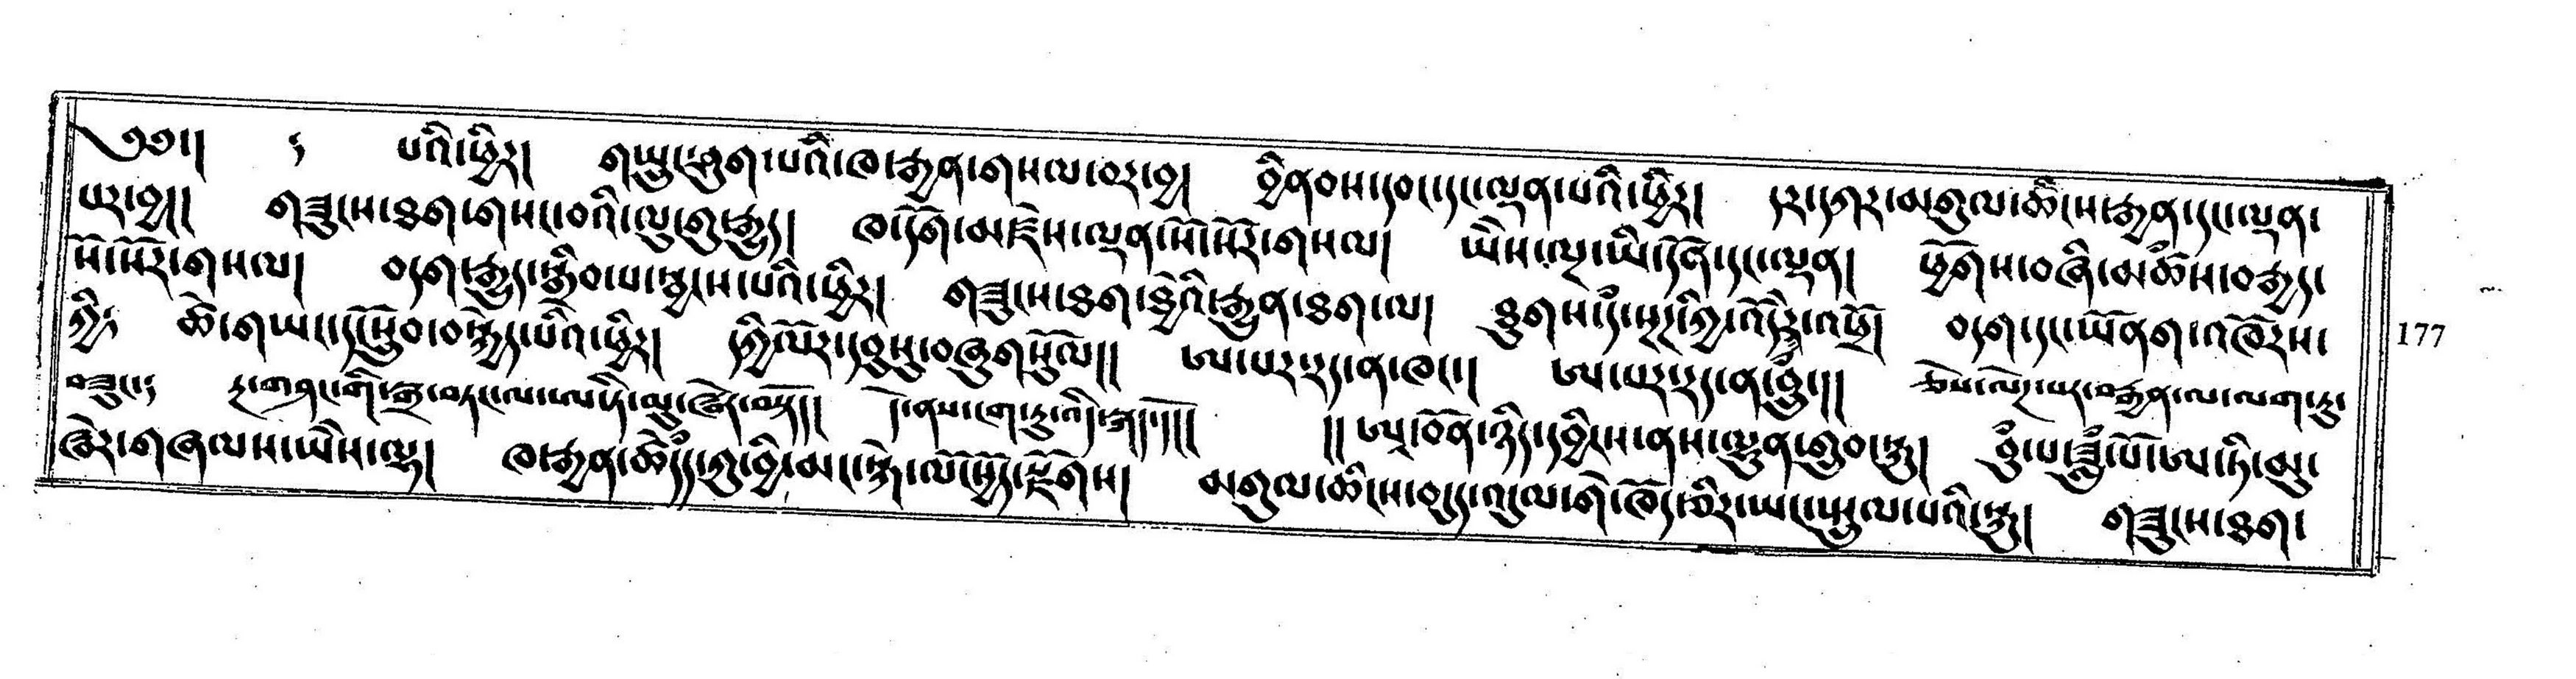པའི་ཕྱིར། གཡུང་དྲུང་ཤུག་པའི་ཁ་རྒྱན་གསལ་བར་བྱ། བྱིན་རླབས་དབང་དང་ལྡན་པའི་ཕྱིར། དར་དཀར་མགུལ་ཆིངས་རྒྱན་དང་ལྡན་
པར་བྱ། གཟུངས་ཐག་གསང་བའི་ལུ་གུ་རྒྱུད། ཁ་དོག་མཛེས་ལྡན་སོ་སོར་གསལ། ཡེ་ཤེས་ལྔ་ཡི་དོན་དང་ལྡན། ཕྱོགས་བཞི་མཚམས་བརྒྱད་
སོ་སོར་གསལ། བདག་རྒྱུད་སྒྲིབ་པ་སྦྱངས་པའི་ཕྱིར། གཟུངས་ཐག་ཐུགས་རྗེའི་རྒྱུན་ཐག་ལ། ཐུགས་དམ་སྔགས་ཀྱི་འོད་ཟེར་འཕྲོ། བདག་དང་ཡོན་བདག་འཁོར་འདས་
ཀྱི། ཚེ་གཡང་དངོས་གྲུབ་བསྐྱེད་པའི་ཕྱིར། དཀྱིལ་འཁོར་དབུས་སུ་བཞུགས་སུ་གསོལ།། ཨ་པར་རད་ན་ཁང་། ཨ་པར་རད་ན་བྲུཾ།། ཅེས་ལེགས་པར་བརྒྱན་ལ་ལག་ཏུ་
བཟུང་། རྔ་གཤང་གི་སྒྲ་བཏང་ལ་ཨ་ཏི་མུ་ཝེར་བསྟོད།།། དེ་ནས་ངག་ཏུ་འདི་སྐད་དོ།། །།ཨཱ་བོན་ཉིད་དབྱིངས་ནས་ལྷུན་གྲུབ་སྐུ། བུམ་པ་ཟླུམ་པོ་ཨ་ཏི་མུ་
ཝེར་གཞལ་ཡས་ཡེ་ཤེས་ལྷ། ཁ་རྒྱན་ཚད་མེད་ཀུ་བྱི་མང་སྐེ་ལོངས་སྤྱོད་རྫོགས། མགུལ་ཆིངས་བདུད་འདུལ་གེ་ཁོད་ཅིར་ཡང་སྤྲུལ་པའི་སྐུ། གཟུངས་ཐག་